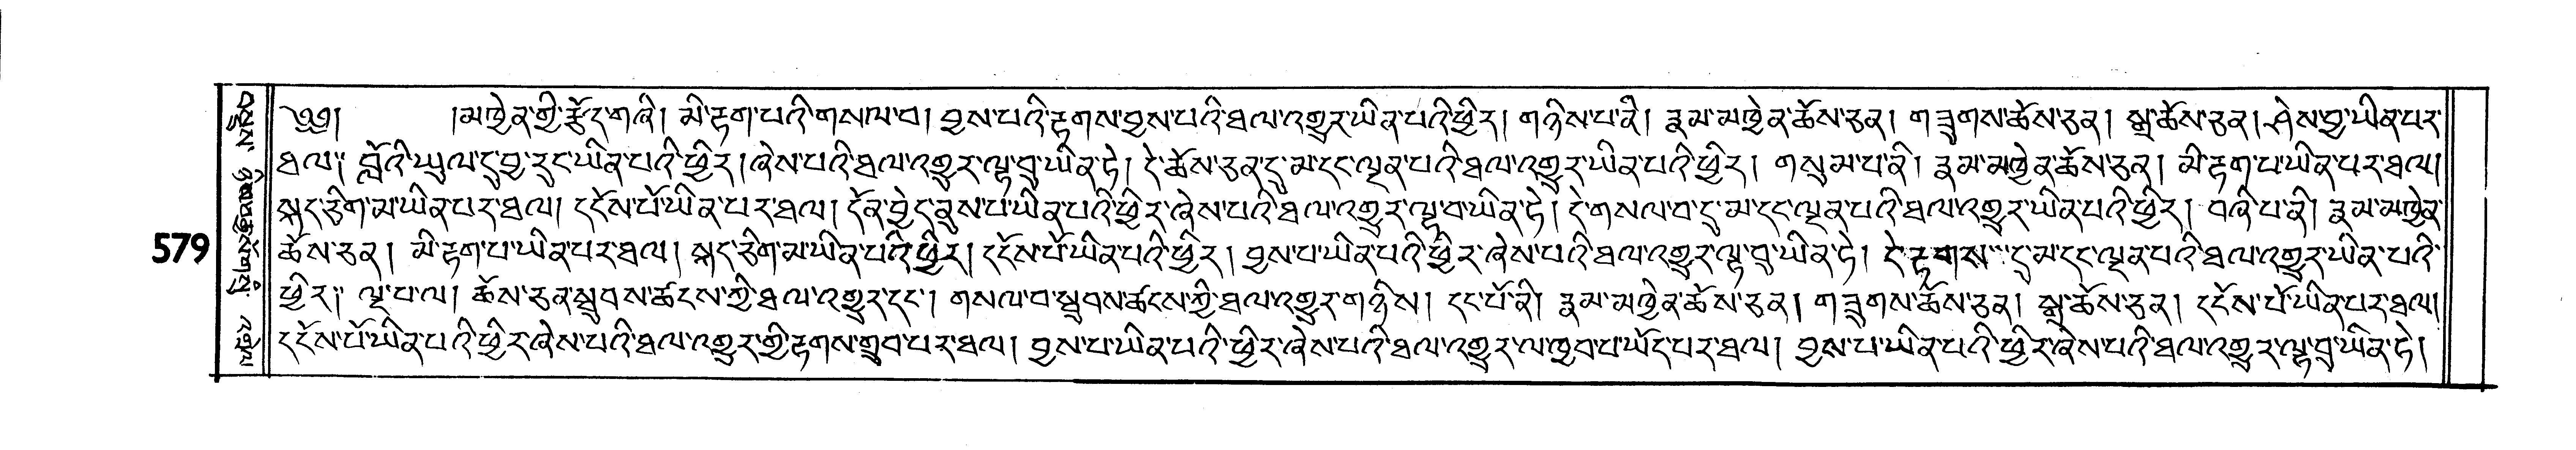༄༅། །མཁྱེན་གྱི་རྩོད་གཞི། མི་རྟག་པའི་གསལ་བ། བྱས་པའི་རྟགས་བྱས་པའི་ཐལ་འགྱུར་ཡིན་པའི་ཕྱིར། གཉིས་པ་ནི། རྣམ་མཁྱེན་ཆོས་ཅན། གཟུགས་ཆོས་ཅན། སྒྲ་ཆོས་ཅན། ཤེས་བྱ་ཡིན་པར་
ཐལ༑ བློའི་ཡུལ་དུ་བྱ་རུང་ཡིན་པའི་ཕྱིར། ཞེས་པའི་ཐལ་འགྱུར་ལྟ་བུ་ཡིན་ཏེ། དེ་ཆོས་ཅན་དུ་མ་དང་ལྡན་པའི་ཐལ་འགྱུར་ཡིན་པའི་ཕྱིར། གསུམ་པ་ནི། རྣམ་མཁྱེན་ཆོས་ཅན། མི་རྟག་པ་ཡིན་པར་ཐལ།
སྐད་ཅིག་མ་ཡིན་པར་ཐལ། དངོས་པོ་ཡིན་པར་ཐལ། དོན་བྱེད་ནུས་པ་ཡིན་པའི་ཕྱིར་ཞེས་པའི་ཐལ་འགྱུར་ལྟ་བ་ཡིན་ཏེ། དེ་གསལ་བ་དུ་མ་དང་ལྡན་པའི་ཐལ་འགྱུར་ཡིན་པའི་ཕྱིར། བཞི་པ་ནི། རྣམ་མཁྱེན་
ཆོས་ཅན། མི་རྟག་པ་ཡིན་པར་ཐལ། སྐད་ཅིག་མ་ཡིན་པའི་ཕྱིར། དངོས་པོ་ཡིན་པའི་ཕྱིར། བྱས་པ་ཡིན་པའི་ཕྱིར་ཞེས་པའི་ཐལ་འགྱུར་ལྟ་བུ་ཡིན་ཏེ། དེ་རྟགས་དུ་མ་དང་ལྡན་པའི་ཐལ་འགྱུར་ཡིན་པའི་
ཕྱིར༑ ལྔ་པ་ལ། ཆོས་ཅན་སྦུབས་ཚངས་ཀྱི་ཐལ་འགྱུར་དང་། གསལ་བ་སྦུབས་ཚངས་ཀྱི་ཐལ་འགྱུར་གཉིས། དང་པོ་ནི། རྣམ་མཁྱེན་ཆོས་ཅན། གཟུགས་ཆོས་ཅན། སྒྲ་ཆོས་ཅན། དངོས་པོ་ཡིན་པར་ཐལ།
དངོས་པོ་ཡིན་པའི་ཕྱིར་ཞེས་པའི་ཐལ་འགྱུར་གྱི་རྟགས་གྲུབ་པར་ཐལ། བྱས་པ་ཡིན་པའི་ཕྱིར་ཞེས་པའི་ཐལ་འགྱུར་ལ་ཁྱབ་པ་ཡོད་པར་ཐལ། བྱས་པ་ཡིན་པའི་ཕྱིར་ཞེས་པའི་ཐལ་འགྱུར་ལྟ་བུ་ཡིན་ཏེ།